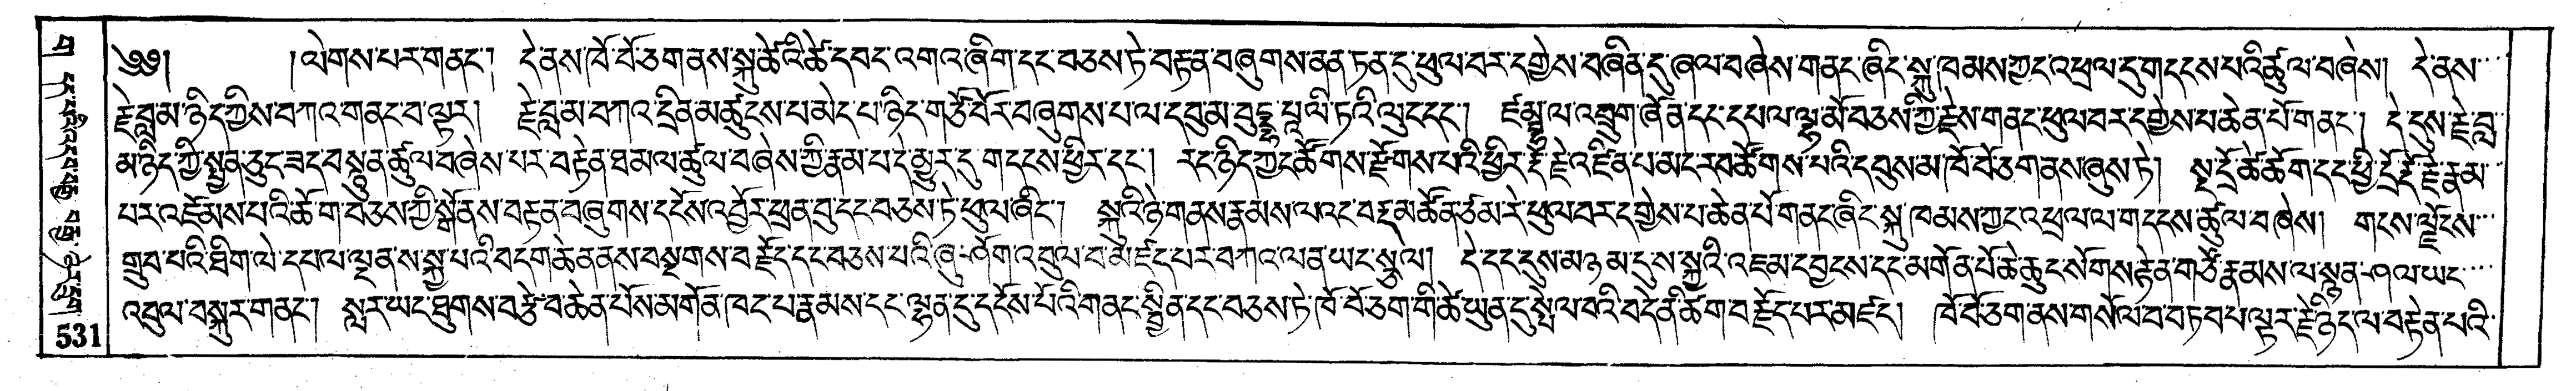༄༅། །ལེགས་པར་གནང་། དེ་ནས་ཁོ་བོ་ཅག་ནས་སྐུ་ཚེའི་ཚེ་དབང་འགའ་ཞིག་དང་བཅས་ཏེ་བརྟན་བཞུགས་ནན་ཏན་དུ་ཕུལ་བར་དགྱེས་བཞིན་དུ་ཞལ་བཞེས་གནང་ཞིང་སྐུ་ཁམས་ཀྱང་འཕྲལ་དུ་གདངས་པའི་ཚུལ་བཞེས། དེ་ནས་
རྗེ་བླ་མ་ཉིད་ཀྱིས་བཀའ་གནང་བ་ལྟར། རྗེ་བླ་མ་བཀའ་དྲིན་མཚུངས་པ་མེད་པ་ཉིད་གཙོ་བོར་བཞུགས་པ་ལ་དབུ་མ་བུདྡྷ་པཱ་ལི་ཏའི་ལུང་དང་། ཛམྦྷ་ལ་འབྲུག་ཞོན་དང་དཔལ་ལྷ་མོ་བཅས་ཀྱི་རྗེས་གནང་ཕུལ་བར་དགྱེས་པ་ཆེན་པོ་གནང་། དེ་དུས་རྗེ་བླ་
མ་ཉིད་ཀྱི་སྦྱན་ཅུང་ཟད་བསྙུན་ཚུལ་བཞེས་པར་བརྟེན་ཐ་མལ་ཚུལ་བཞེས་ཀྱི་རྣམ་པ་དེ་མྱུར་དུ་གདངས་ཕྱིར་དང་། རང་ཉིད་ཀྱང་ཚོགས་རྫོགས་པའི་ཕྱིར་རྡོ་རྗེ་འཛིན་པ་མང་རབ་ཚོགས་པའི་དབུས་མ་ཁོ་བོ་ཅག་ནས་ཞུས་ཏེ། སྔ་དྲོ་ཚེ་ཆོ་ག་དང་ཕྱི་དྲོ་རྡོ་རྗེ་རྣམ་
བར་འཇོམས་པའི་ཆོ་ག་བཅས་ཀྱི་སྒོ་ནས་བརྟན་བཞུགས་དངོས་འབྱོར་ཕྲན་བུ་དང་བཅས་ཏེ་ཕུལ་ཞིང་། སྐུའི་ཉེ་གནས་རྣམས་ལའང་བརྔ་མཚོན་ཙམ་རེ་ཕུལ་བར་དགྱེས་པ་ཆེན་པོ་གནང་ཞིང་སྐུ་ཁམས་ཀྱང་འཕྲལ་ལ་གདངས་ཚུལ་བཞེས། གངས་ལྗོངས་
གྲུབ་པའི་ཐིག་ལེ་དཔལ་ལྡན་ས་སྐྱ་པའི་བདག་ཆེན་ནས་བསྔགས་བརྗོད་དང་བཅས་པའི་ཞུ་ཤོག་འབུལ་བ་མཛད་པར་བཀའ་ལན་ཡང་སྩལ། དེ་དང་དུས་མཉམ་དུ་ས་སྐྱའི་འཇམ་དབྱངས་དང་མགོན་པོ་ཆེ་ཆུང་སོགས་རྟེན་གཙོ་རྣམས་ལ་སྙན་ཤལ་ཡང་
འབུལ་བསྐུར་གནང་། སླར་ཡང་ཐུགས་བརྩེ་བ་ཆེན་པོས་མགོན་ཁང་པ་རྣམས་དང་ལྷན་དུ་དངོས་པོའི་གནང་སྦྱིན་དང་བཅས་ཏེ་ཁོ་བོ་ཅག་གི་ཚེ་ཡུན་དུ་སྤེལ་བའི་བདེན་ཚིག་བརྗོད་པར་མཛད། ཁོ་བོ་ཅག་ནས་གསོལ་བ་བཏབ་པ་ལྟར་རྗེ་ཉིད་ལ་བརྟེན་པའི་